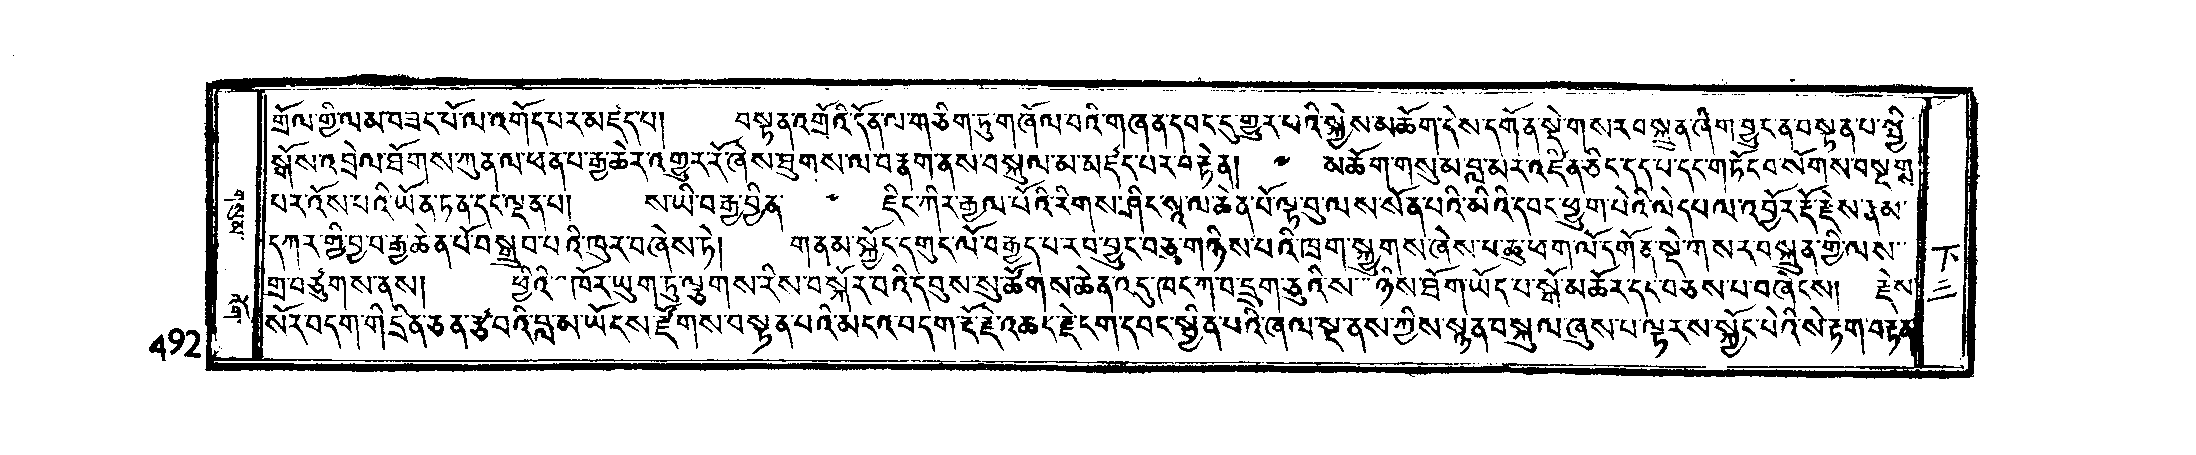གྲོལ་གྱི་ལམ་བཟང་པོ་ལ་འགོད་པར་མཛད་པ། བསྟན་འགྲོའི་དོན་ལ་གཅིག་ཏུ་གཞོལ་བའི་གཞན་དབང་དུ་གྱུར་པའི་སྐྱེས་མཆོག་དེས་དགོན་སྡེ་གསར་བསྐྲུན་ཞིག་བྱུང་ན་བསྟན་པ་སྤྱི་
སྒོས་འབྲེལ་ཐོགས་ཀུན་ལ་ཕན་པ་རྒྱ་ཆེར་འགྱུར་རོ་ཞེས་ཐུགས་ལ་བརྣག་ནས་བསྐུལ་མ་མཛད་པར་བརྟེན། ༧་མཆོག་གསུམ་བླ་མར་འཛིན་ཅིང་དད་པ་དང་གཏོང་བ་སོགས་བསྔགས་
པར་འོས་པའི་ཡོན་ཏན་དང་ལྡན་པ། ས་ཡི་བརྒྱ་བྱིན། ༧་ཇིང་ཀིར་རྒྱལ་པོའི་རིགས་ཤིང་སཱ་ལ་ཆེན་པོ་ལྟ་བུ་ལས་སོན་པའི་མིའི་དབང་ཕྱུག་པེའི་ལེ་དཔལ་འབྱོར་རྡོ་རྗེས་རྣམ་
དཀར་གྱི་བྱ་བ་རྒྱ་ཆེན་པོ་བསྒྲུབ་པའི་ཁུར་བཞེས་ཏེ། གནམ་སྐྱོང་དགུང་ལོ་བརྒྱད་པ་རབ་བྱུང་བཅུ་གཉིས་པའི་ཁྲག་སྐྱུགས་ཞེས་པ་ཆུ་ཕག་ལོ་དགོན་སྡེ་གསར་བསྐྲུན་གྱི་ལས་
གྲ་བཙུགས་ནས། ཕྱིའི་འཁོར་ཡུག་ཏུ་ལྕགས་རིས་བསྐོར་བའི་དབུས་སུ་ཚོགས་ཆེན་འདུ་ཁང་ཀ་བ་དྲུག་ཅུའི་ས་ཉིས་ཐོག་ཡོད་པ་སྒོ་མཆོར་དང་བཅས་པ་བཞེངས། རྗེས་
སོར་བདག་གི་དྲིན་ཅན་རྩ་བའི་བླ་མ་ཡོངས་རྫོགས་བསྟན་པའི་མངའ་བདག་རྡོ་རྗེ་འཆང་རྗེ་ངག་དབང་སྦྱིན་པའི་ཞལ་སྔ་ནས་ཀྱིས་སྙན་བསྐུལ་ཞུས་པ་ལྟར་ས་སྐྱོང་པེའི་སེ་རྟག་བརྟན་